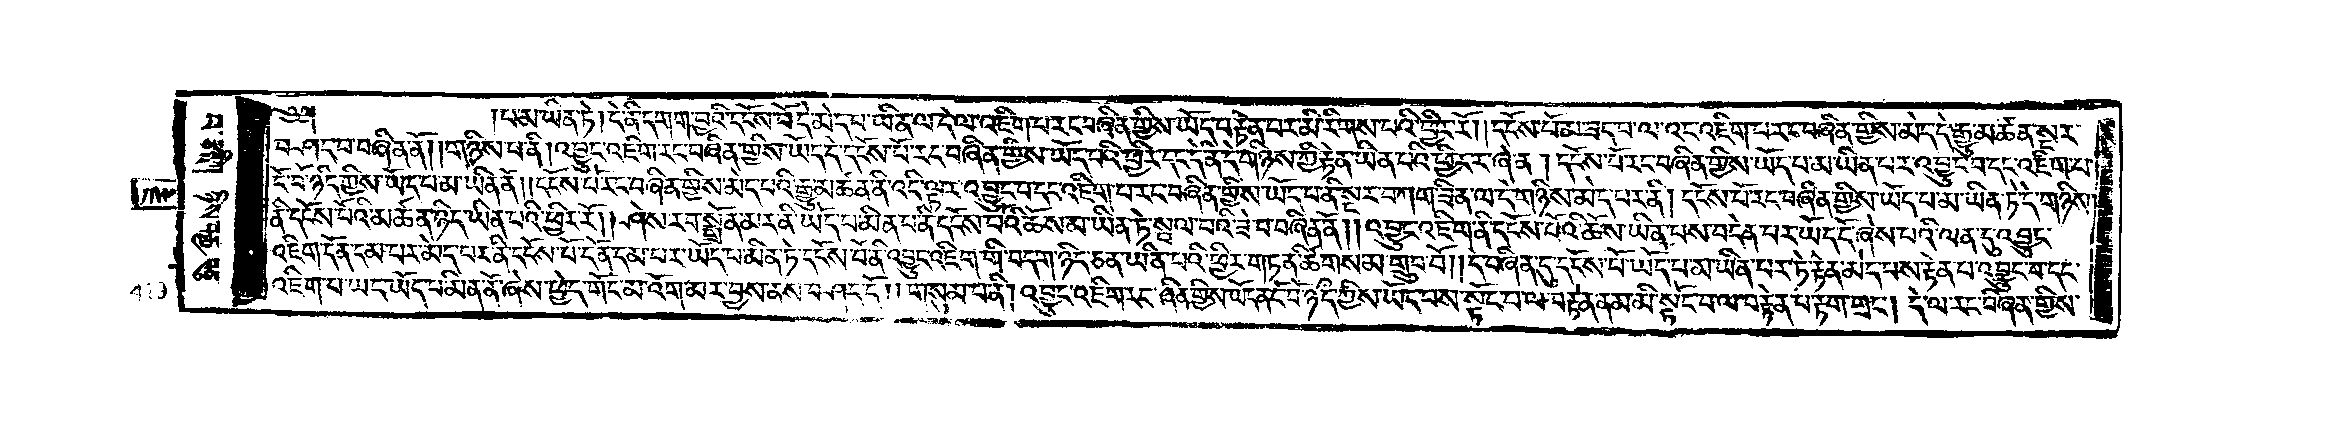༄༅། །པ་མ་ཡིན་ཏེ། དེ་ནི་དགག་བྱའི་དངོས་པོ་དེ་མེད་པ་ཡིན་ལ་དེ་ལ་འཇིག་པ་རང་བཞིན་གྱིས་ཡོད་པ་རྟེན་པར་མི་རིགས་པའི་ཕྱིར་རོ། །དངོས་པོ་མ་ཟད་པ་ལ་འང་འཇིག་པ་རང་བཞིན་གྱིས་མེད་དེ་རྒྱུ་མཚན་སྔར་
བཤད་པ་བཞིན་ནོ། །གཉིས་པ་ནི། འབྱུང་འཇིག་རང་བཞིན་གྱིས་ཡོད་དེ་དངོས་པོ་རང་བཞིན་གྱིས་ཡོད་པའི་ཕྱིར་དང་དེ་ནི་དེ་གཉིས་ཀྱི་རྟེན་ཡིན་པའི་ཕྱིར་རོ་ཞེ་ན། དངོས་པོ་རང་བཞིན་གྱིས་ཡོད་པ་མ་ཡིན་པར་འབྱུང་བ་དང་འཇིག་པ་
ངོ་བོ་ཉིད་ཀྱིས་ཡོད་པ་མ་ཡིན་ནོ། །དངོས་པོ་རང་བཞིན་གྱིས་མེད་པའི་རྒྱུ་མཚན་ནི་འདི་ལྟར་འབྱུང་བ་དང་འཇིག་པ་རང་བཞིན་གྱིས་ཡོད་པ་ནི་སྔར་བཀག་ཟིན་ལ་དེ་གཉིས་མེད་པར་ནི། དངོས་པོ་རང་བཞིན་གྱིས་ཡོད་པ་མ་ཡིན་ཏེ་དེ་གཉིས་
ནི་དངོས་པོའི་མཚན་ཉིད་ཡིན་པའི་ཕྱིར་རོ། །ཤེས་རབ་སྒྲོན་མར་ནི་ཡོད་པ་མིན་པ་ནི་དངོས་པོའི་ཆོས་མ་ཡིན་ཏེ་སྤལ་པའི་ཟེ་བ་བཞིན་ནོ། །འབྱུང་འཇིག་ནི་དངོས་པོའི་ཆོས་ཡིན་པས་བདེན་པར་ཡོད་དོ་ཞེས་པའི་ལན་དུ་འབྱུང་
འཇིག་དོན་དམ་པར་མེད་པར་ནི་དངོས་པོ་དོན་དམ་པར་ཡིན་པ་མིན་ཏེ་དངོས་པོ་ནི་འབྱུང་འཇིག་གི་བདག་ཉིད་ཅན་ཡིན་པའི་ཕྱིར་གཏན་ཚིགས་མ་གྲུབ་བོ། །དེ་བཞིན་དུ་དངོས་པོ་ཡོད་པ་མ་ཡིན་པར་ཏེ་རྟེན་མེད་པས་རྟེན་པ་འབྱུང་བ་དང་
འཇིག་པ་ཡང་ཡོད་པ་མིན་ནོ་ཞེས་ཕྱེད་གོང་མ་འོག་མར་བྱས་ནས་བཤད་དོ། །གསུམ་པ་ནི། འབྱུང་འཇིག་རང་བཞིན་གྱིས་ཡོད་ན་ངོ་བོ་ཉིད་ཀྱིས་ཡོད་པ་སྟོང་པ་ལ་བརྟེན་ནམ་མི་སྟོང་པ་ལ་བརྟེན་པ་རྟག་གྲང་། དེ་ལ་རང་བཞིན་གྱིས་